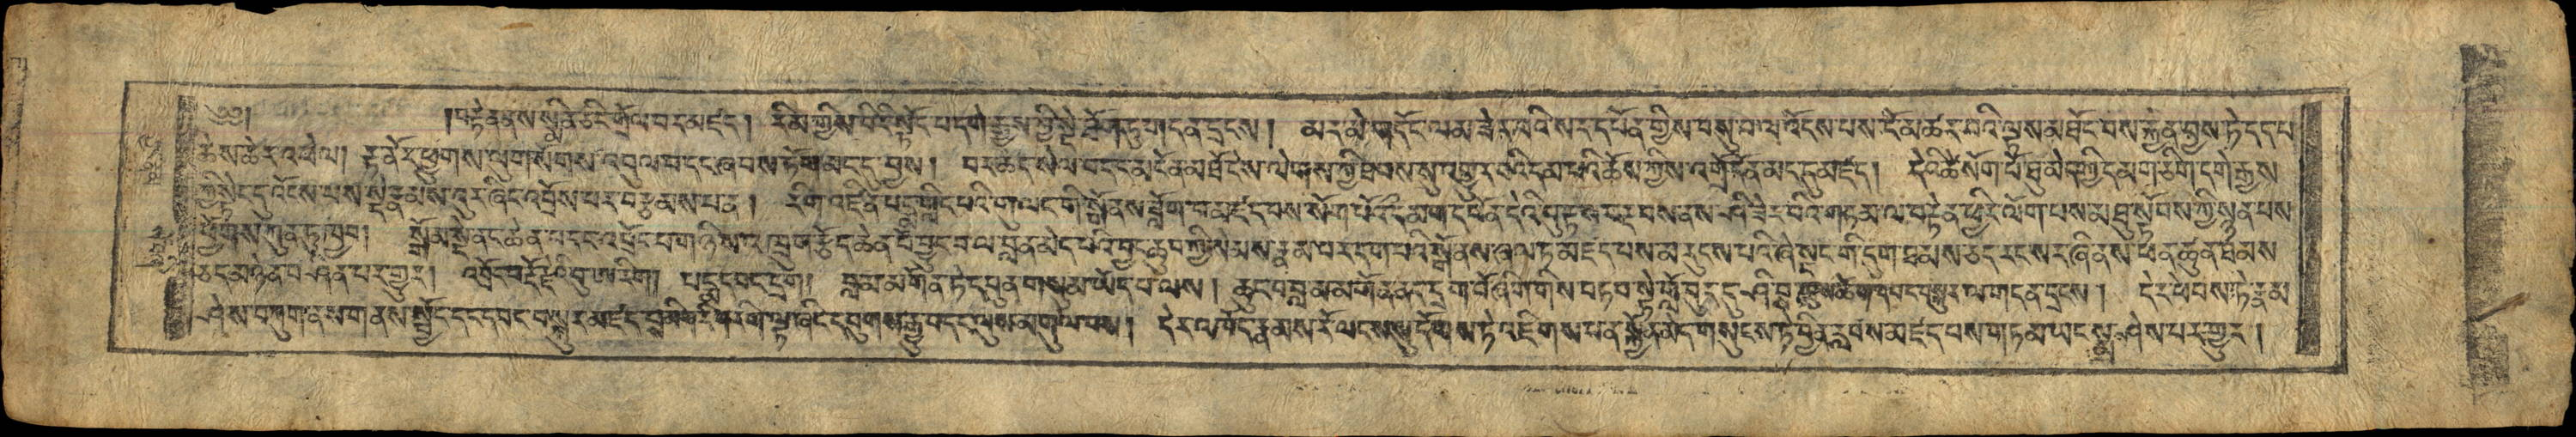༄༅། །བརྟེན་ནས་སྨིན་ཅིང་གྲོལ་བར་མཛད། རིམ་གྱིས་བི་རི་སྟོང་པ་དགེ་རྒྱས་ཀྱི་སྡེ་ཐོག་ཏུ་གདན་དྲངས། མར་མེ་གདོང་ལམ་ཟེར་བའི་སར་དཔོན་གྱིས་བསུ་བ་ལ་འོངས་པས་ངོ་མཚར་བའི་ལྟས་མཐོང་བས་རྐྱེན་བྱས་ཏེ་དད་པ་
ཆེས་ཆེར་འཕལ། རྟ་ནོར་ཕྱུགས་ལུག་སོགས་འབུལ་བ་དང་ཞབས་ཏོག་མང་དུ་བྱས། བར་ཆད་སེལ་བ་དང་མངོན་མཐོ་ངེས་ལེགས་ཀྱི་ཐབས་སུ་འགྱུར་བའི་དམ་པའི་ཆོས་ཀྱིས་འགྲོ་དོན་མང་དུ་མཛད། དེའི་ཚེ་སོག་པོ་ཐུ་མེད་ཀྱི་དམག་ཅིག་དགེ་རྒྱས་
ཀྱི་སྟེང་དུ་འོངས་པས་སྡེ་རྣམས་འུར་ཞིང་འབྲོས་པར་བརྩམས་པ་ན། རིག་འཛིན་པདམ་གླིང་པའི་གུ་ལང་གི་སྒོ་ནས་ཟློག་པ་མཛད་པས་སོག་པོའི་དམག་དཔོན་དེའི་བུ་རྟས་བརྡབས་ནས་ཤི་ཟེར་བའི་གཏམ་ལ་བརྟེན་ཕྱིར་ལོག་པས་མཐུ་སྟོབས་ཀྱི་སྙན་པས་
ཕྱོགས་ཀུན་ཏུ་ཁྱབ། སྒོམ་སྡེ་ནང་ཆེན་པ་དང་འབྲོང་པ་གཉིས་འཁྲུག་རྩོད་ཆེན་པོ་བྱུང་བ་ལ་བླ་ན་མེད་པའི་བྱང་ཆུབ་ཀྱི་སེམས་རྣམ་པར་དག་པའི་སྒོ་ནས་ཞལ་ཏ་མཛད་པས་མ་རུངས་པའི་ཞེ་སྡང་གི་དུག་ཐམས་ཅད་རང་སར་ཞི་ནས་ཕན་ཚུན་ཐམས་
ཅད་མཉེན་པ་ཤིན་པར་གྱུར། འབྲོང་པ་རྡོ་རྗེའི་བུ་ཨ་རིག། པདམ་དབང་དྲག། བླ་མ་མགོན་ཏེ་དབུན་གསུམ་ཡོད་པ་ལས། ཆུང་བ་བླ་མ་མགོན་ནད་དྲག་པོ་ཞིག་གིས་བཏབ་སྟེ་གློ་བུར་དུ་ཤི་བས། ལ་གདན་དྲངས། དེར་ཕེབས་ཏེ་རྣམ་
ཤེས་བཀུག་ནས་གནས་སྦྱོང་དང་དབང་བསྐུར་མཛད་པས་མིག་རིག་རིག་ལྟ་ཞིང་དབུགས་རྒྱུ་བ་དང་ལུས་མགུལ་བས། དར་འཁོད་རྣམས་རོ་ལངས་སུ་དོགས་ཏེ་འཇིགས་པ་ན་སྐྱོན་མེད་གསུངས་ཏེ་བྱིན་རླབས་མཛད་པས་གཏམ་ཡང་སྨྲ་ཤེས་པར་གྱུར།